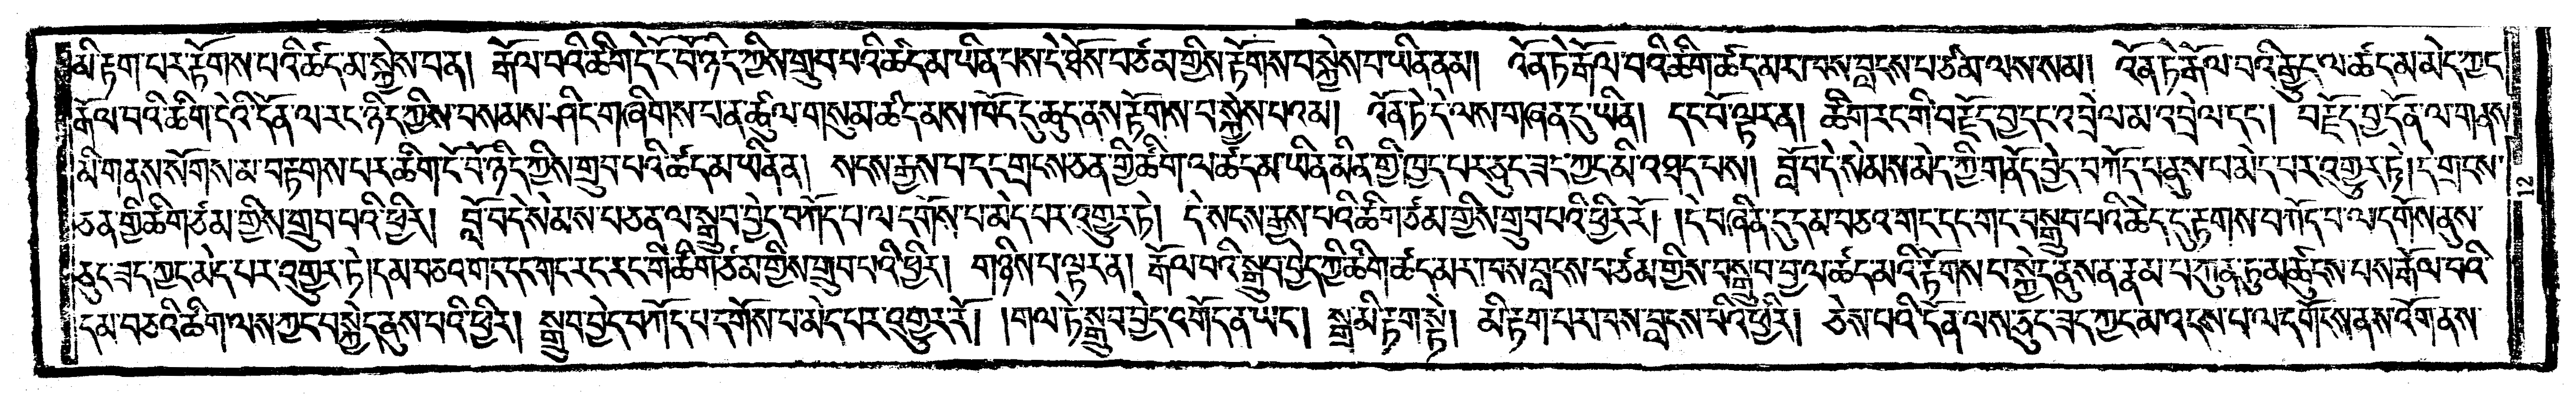མི་རྟག་པར་རྟོགས་པའི་ཚད་མ་སྐྱེས་པ་ན། རྒོལ་བའི་ཚིག་དེ་ངོ་བོ་ཉིད་ཀྱིས་གྲུབ་པའི་ཚད་མ་ཡིན་པས་དེ་ཐོས་པ་ཙམ་གྱིས་རྟོགས་པ་སྐྱེས་པ་ཡིན་ནམ། འོན་ཏེ་རྒོལ་བའི་ཚིག་ཚད་མར་ཁས་བླངས་པ་ཙམ་ལས་སམ། འོན་ཏེ་རྒོལ་བའི་རྒྱུད་ལ་ཚད་མ་མེད་ཀྱང་
རྒོལ་བའི་ཚིག་དེའི་དོན་ལ་རང་ཉིད་ཀྱིས་བསམས་ཤིང་གཞིགས་པ་ན་ཚུལ་གསུམ་ཚད་མས་ཁོང་དུ་ཆུད་ནས་རྟོགས་པ་སྐྱེས་པའམ། འོན་ཏེ་དེ་ལས་གཞན་དུ་ཡིན། དང་པོ་ལྟར་ན། ཚིག་རང་གི་བརྗོད་བྱ་དང་འབྲེལ་མ་འབྲེལ་དང་། བརྗོད་བྱ་དོན་ལ་གནས་
མི་གནས་སོགས་མ་བརྟགས་པར་ཚིག་ངོ་བོ་ཉིད་ཀྱིས་གྲུབ་པའི་ཚད་མ་ཡིན་ན། སངས་རྒྱས་པ་དང་གྲངས་ཅན་གྱི་ཚིག་ལ་ཚད་མ་ཡིན་མིན་གྱི་ཁྱད་པར་ཅུང་ཟད་ཀྱང་མི་འཐད་པས། བློ་བདེ་སེམས་མེད་ཀྱི་གནོད་བྱེད་བཀོད་པ་ནུས་པ་མེད་པར་འགྱུར་ཏེ། དེ་གྲངས་
ཅན་གྱི་ཚིག་ཙམ་གྱིས་གྲུབ་པའི་ཕྱིར། བློ་བདེ་སེམས་པ་ཅན་ལ་སྒྲུབ་བྱེད་བཀོད་པ་ལ་དགོས་པ་མེད་པར་འགྱུར་ཏེ། དེ་སངས་རྒྱས་པའི་ཚིག་ཙམ་གྱིས་གྲུབ་པའི་ཕྱིར་རོ། །དེ་བཞིན་དུ་དམ་བཅའ་གང་དང་གང་བསྒྲུབ་པའི་ཆེད་དུ་རྟགས་བཀོད་པ་ལ་དགོས་ནུས་
ཅུང་ཟད་ཀྱང་མེད་པར་འགྱུར་ཏེ། དམ་བཅའ་གང་དང་གང་རང་རང་གི་ཚིག་ཙམ་གྱིས་གྲུབ་པའི་ཕྱིར། གཉིས་པ་ལྟར་ན། རྒོལ་བའི་སྒྲུབ་བྱེད་ཀྱི་ཚིག་ཚད་མར་ཁས་བླངས་པ་ཙམ་གྱིས་བསྒྲུབ་བྱ་ལ་ཚད་མའི་རྟོགས་པ་སྐྱེད་ནུས་ན་རྣམ་པ་ཀུན་ཏུ་མཚུངས་པས་རྒོལ་བའི་
དམ་བཅའི་ཚིག་ལས་ཀྱང་བསྐྱེད་ནུས་པའི་ཕྱིར། སྒྲུབ་བྱེད་བཀོད་པ་དགོས་པ་མེད་པར་འགྱུར་རོ། །གལ་ཏེ་སྒྲུབ་བྱེད་འགོད་ན་ཡང་། སྒྲ་མི་རྟག་སྟེ། མི་རྟག་པར་ཁས་བླངས་པའི་ཕྱིར། ཅེས་པའི་དོན་ལས་ཅུང་ཟད་ཀྱང་མ་འདས་པ་ལ་དགོངས་ནས་འོག་ནས་